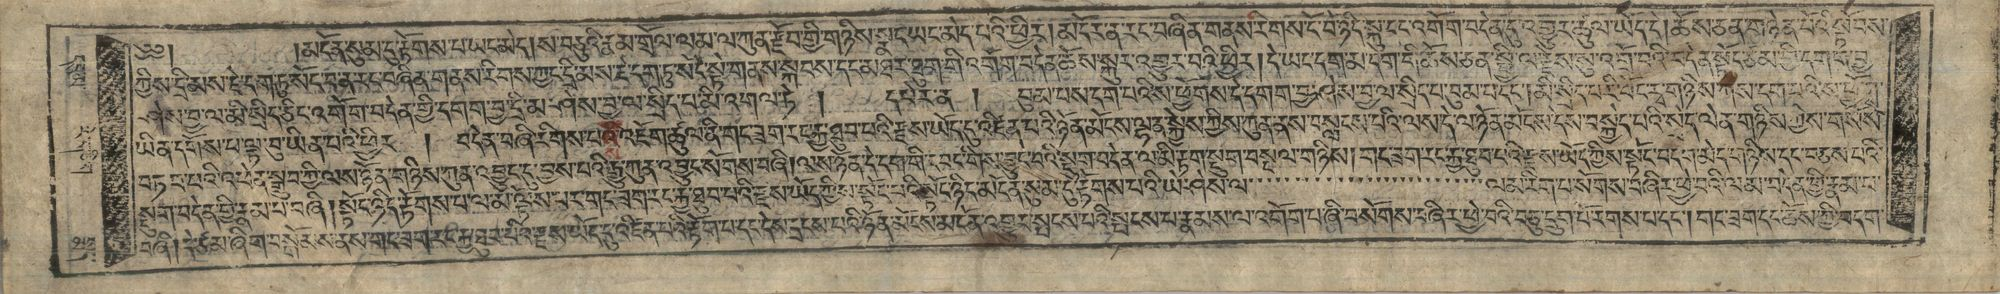༄༅། །མངོན་སུམ་དུ་རྟོགས་པ་ཡང་མེད། ས་བཅུའི་རྣམ་གྲོལ་ལམ་ལ་ཀུན་རྫོབ་གྱི་གཉིས་སྣང་ཡང་མེད་པའི་ཕྱིར། མདོར་ན་རང་བཞིན་གནས་རིགས་ངོ་བོ་ཉིད་སྐུ་དང་འགོག་བདེན་དུ་འགྱུར་ཚུལ་ཡོད་དེ། ཆོས་ཅན་གཉེན་པོའི་སྟོབས་
ཀྱིས་དྲི་མས་ཇེདག་ཏུ་སོང་བ་ན་རང་བཞིན་གནས་རིགས་ཀྱང་དྲི་མས་ཇེདག་ཏུ་སོང་སྟེ་གནས་སྐབས་དང་མཐར་ཐུག་གི་འགོག་བདེན་ཆོས་སྐུར་འགྱུར་བའི་ཕྱིར། དེ་ཡང་དག་མ་དག་གི་ཆོས་ཅན་སྤྱི་ལ་རྗེས་སུ་འགྲོ་བའི་བདེན་སྟོང་ཙམ་གྱི་དགག་བྱ་
ཤེས་བྱ་ལ་མི་སྲིད་ཅིང་འགོག་བདེན་གྱི་དགག་བྱ་དྲི་མ་ཤེས་བྱ་ལ་སྲིད་པ་མི་འགལ་ཏེ། །དཔེར་ན། བུམ་པས་དག་པའི་ས་ཕྱོགས་དེ་དགག་བྱ་ཤེས་བྱ་ལ་སྲིད་པ་བུམ་པ་དང་། མི་སྲིད་པ་རི་བོང་རྭ་གཉིས་ཀས་དག་པའི་ས་ཕྱོགས་
ཡིན་དགོས་པ་ལྟ་བུ་ཡིན་པའི་ཕྱིར། བདེན་བཞི་རིགས་པས་འཇོག་ཚུལ་ནི་གང་ཟག་རང་རྐྱ་ཐུབ་པའི་རྫས་ཡོད་དུ་འཛིན་པའི་ཉོན་མོངས་ལྷན་སྐྱེས་ཀྱིས་ཀུན་ནས་བསླངས་པའི་ལས་དེ་ལ་ཉོན་མོངས་དེས་བསྐྱེད་པའི་སྲེད་ལེན་གཉིས་ཀྱིས་གསོས་
བཏབ་པའི་འཕེན་སྒྲུབ་ཀྱི་ལས་ཉོན་གཉིས་ཀུན་འབྱུང་དུ་བྱས་པའི་རྒྱུ་ཀུན་འབྱུང་སོགས་བཞི། ལས་ཉོན་དེ་དག་གི་དབང་གིས་བྱུང་བའི་སྡུག་བདེན་ལ་མི་རྟག་སྡུག་བསྔལ་གཉིས། གང་ཟག་རང་རྐྱ་ཐུབ་པའི་རྫས་ཡོད་ཀྱིས་སྟོང་བདག་མེད་གཉིས་དང་བཅས་པའི་
སྡུག་བདེན་གྱི་རྣམ་པ་བཞི། སྟོང་ཉིད་རྟོགས་པ་ལ་མ་ལྟོས་པར་གང་ཟག་རང་རྐྱ་ཐུབ་པའི་རྫས་ཡོད་ཀྱིས་སྟོང་པའི་སྟོང་ཉིད་མངོན་སུམ་དུ་རྟོགས་པའི་ཡེ་ཤེས་ལ་ལམ་རིག་པ་སོགས་བཞིར་ཕྱེ་བའི་ལམ་བདེན་གྱི་རྣམ་པ་
བཞི། དེ་ཙམ་ཞིག་བསྒོམས་ནས་གང་ཟག་རང་རྐྱུཐུབ་པའི་རྫས་ཡོད་དུ་འཛིན་པའི་རྟོག་པ་དང་དེས་དྲངས་པའི་ཉོན་མོངས་མངོན་འགྱུར་སྤངས་པའི་སྤངས་པ་རྣམས་ལ་འགོག་པ་ཞི་བ་སོགས་བཞིར་ཕྱེ་བའི་བཅུ་དྲུག་པོར་རགས་པ་དང་། གང་ཟག་དང་ཆོས་ཀྱི་བདག་